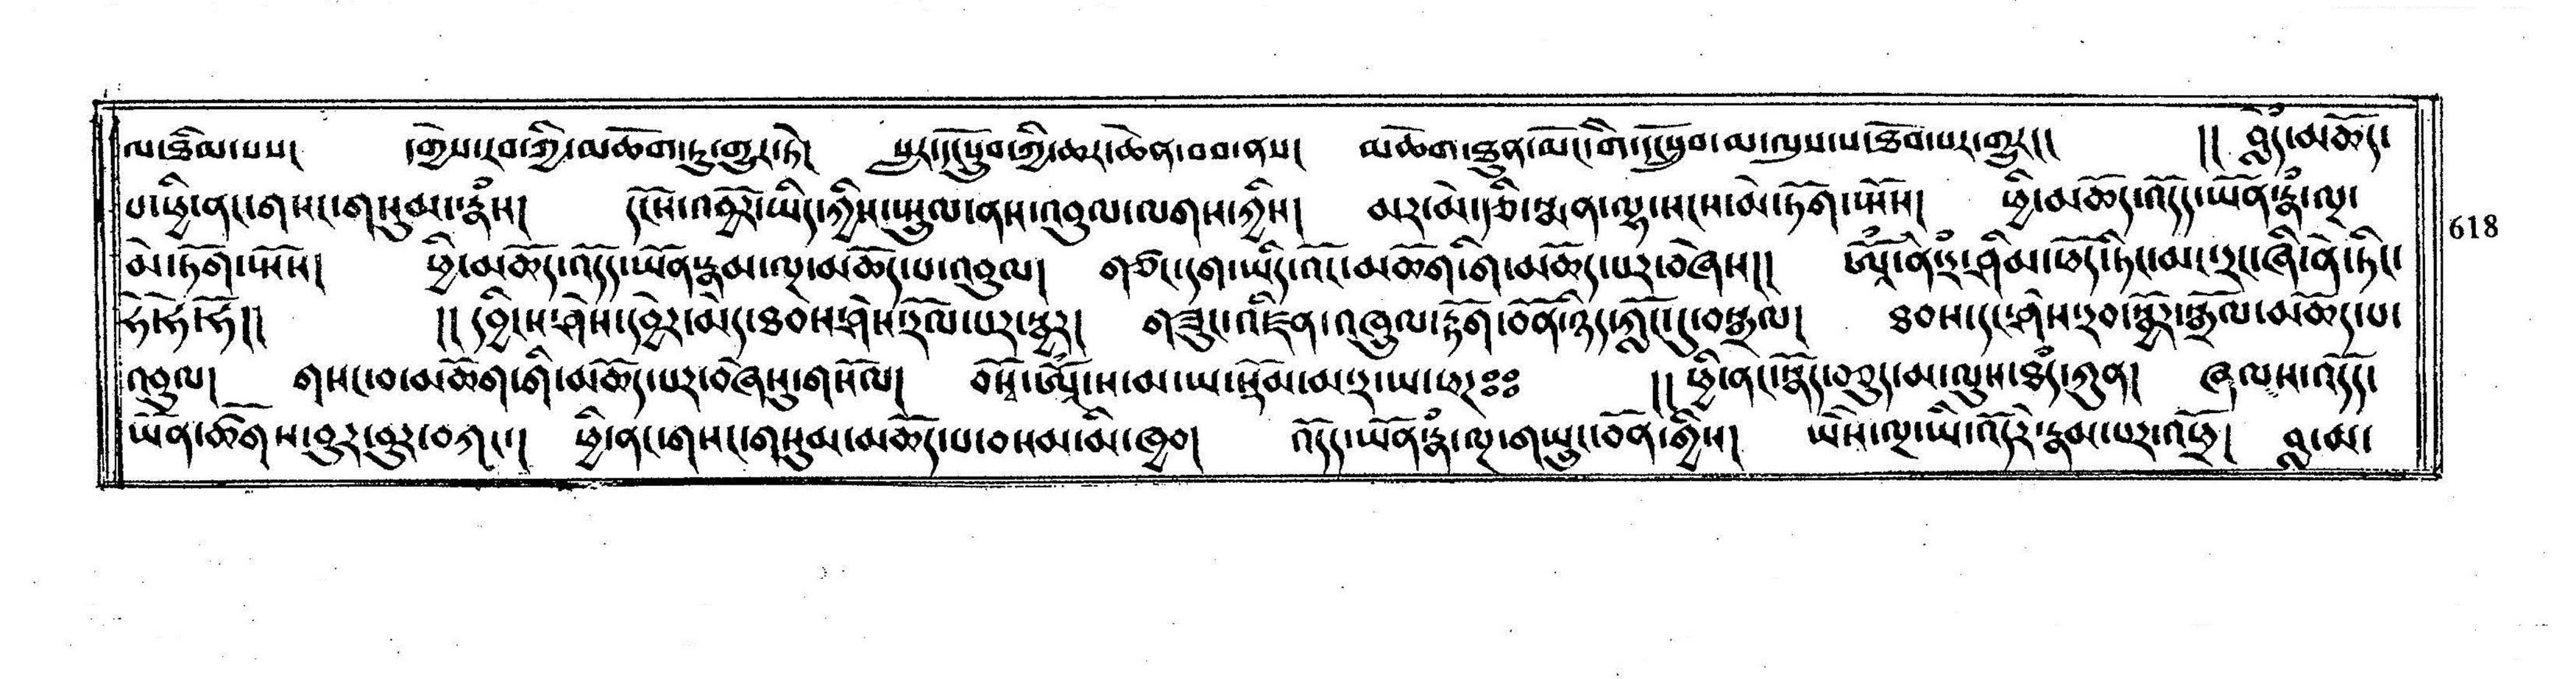ལ་ཐིམ་པས། དགྱེས་རབ་ཀྱི་མཆོག་ཏུ་གྱུར་ཏེ། སླར་དངོས་གྲུབ་ཀྱི་ཆར་ཆེན་བབ་ནས། མཆོག་ཐུན་མོང་གི་དངོས་གྲུབ་མ་ལུས་པ་ཐོབ་པར་གྱུར།། །།བླ་མེད་མཆོད་
པ་ཕྱི་ནང་གསང་གསུམ་རྣམས། དངོས་འབྱོར་ཡིད་ཀྱིས་སྤྲུལ་ནས་འབུལ་ལགས་ཀྱིས། མར་མེ་རྩི་སྨན་ལྷ་སངས་མེ་ཏོག་སྤོས། ཕྱི་མཆོད་འདོད་ཡོན་རྣམ་ལྔ་
མེ་ཏོག་སྤོས། ཕྱི་མཆོད་འདོད་ཡོན་རྣམ་ལྔ་མཆོད་པ་འབུལ། གཙང་དག་ཡིད་འོང་མཆོག་གི་མཆོད་པར་བཞེས།། ཨཱོཾ་ནེ་རཾ་ཤིམ་ཕོད་ཏིང་མང་རང་ཞི་ནེ་ཏིང་
ཧེ་ཧེ་ཧོ།། །།དབྱིངས་ཤེས་དབྱེར་མེད་ཐབས་ཤེས་རོལ་པར་སྦྱར། གཟུང་འཛིན་འཁྲུལ་རྟོག་བོན་ཉིད་ཀློང་དུ་བསྒྲལ། ཐབས་དང་ཤེས་རབ་སྦྱོར་སྒྲོལ་མཆོད་པ་
འབུལ། གསང་བ་མཆོག་གི་མཆོད་པར་བཞེས་སུ་གསོལ། བསྭོ་ཨཱོཾ་ས་མ་ཡ་སྡོམ་མ་ར་ཡ་ཕཊཿ༔ །།ཕྱི་ནང་སྣོད་བཅུད་མ་ལུས་ཐམས་ཅད་ཀུན། ཞལ་ཟས་འདོད་
ཡོན་ཚོགས་༼མཆོད༽བྱུར་བུར་བཀང་། ཕྱི་ནང་གསང་གསུམ་མཆོད་པ་བསམ་མི་ཁྱབ། འདོད་ཡོན་རྣམ་ལྔ་གཡུང་དྲུང་བོན་གྱིས༼༽། ཡེ་ཤེས་ལྔ་ཡི་འོད་ཟེར་རྣམ་པར་འཕྲོ། བླ་མ་